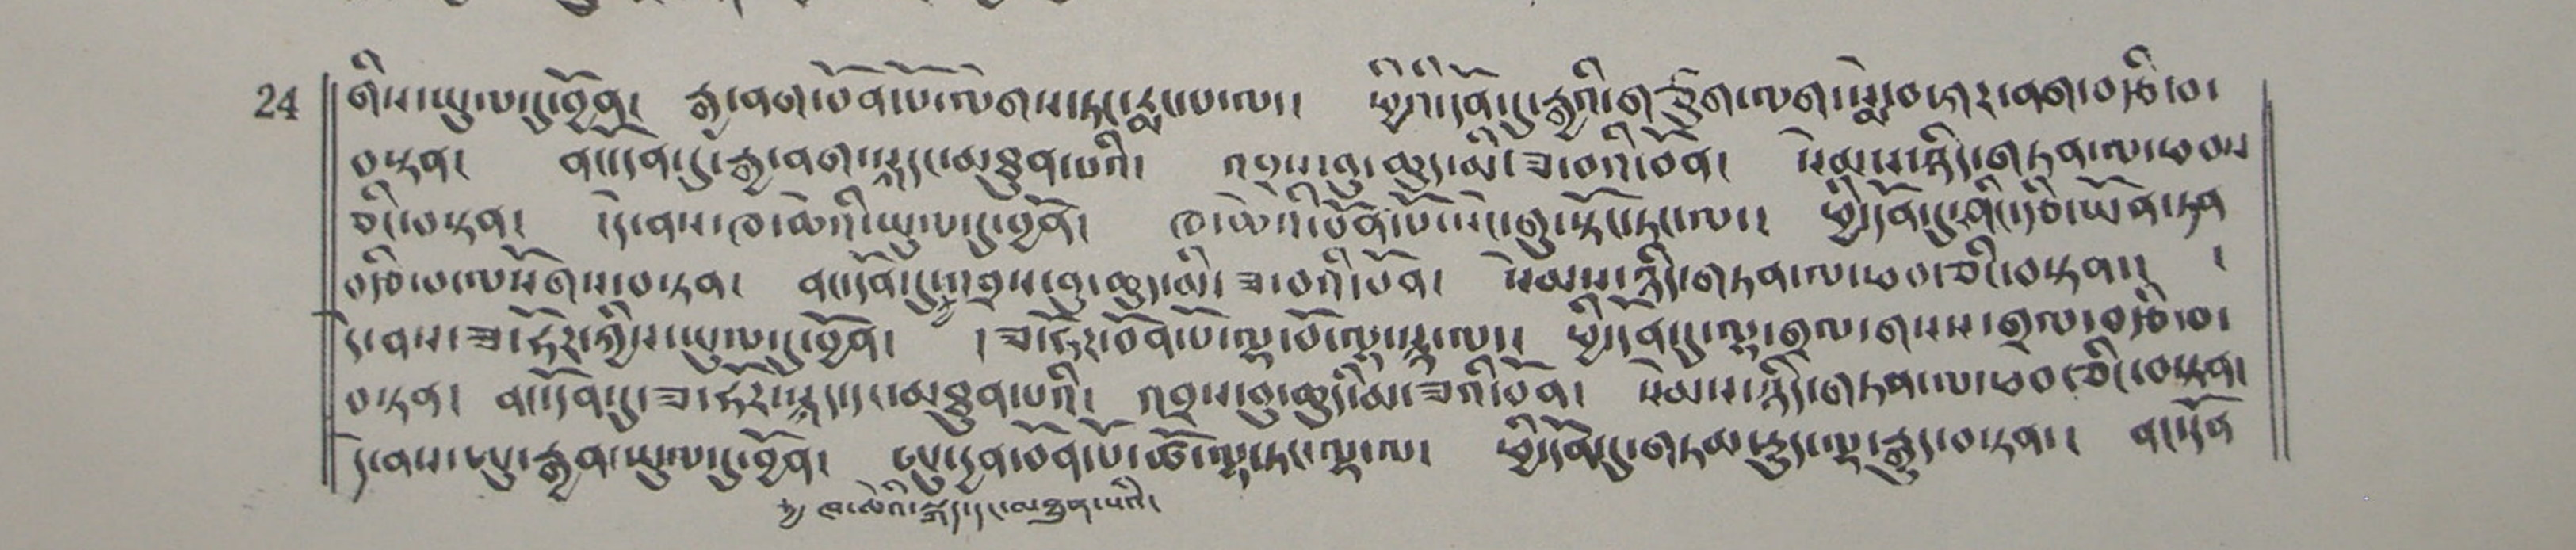གིས་ཡུལ་དུ་བྱོན། རྒྱ་ནག་གི་བོན་པོ་ལེགས་ཏང་རྨང་པོ་ལ། ཕྱིའི་དོན་དུ་རྒྱའི་གཙུག་ལག་སྨེ་བ་དཀར་ནག་བརྩི་བ་
བསྟན། ནང་དོན་དུ་རྒྱ་ནག་གི་སྐད་དང་མཐུན་པའི། འབྲས་བུ་ཆུད་མི་ཟ་བའི་བོན། སེམས་ཉིད་གཏན་ལ་ཕབས་
ཅིང་བསྟན།དེ་ནས་ཁ་ཆེའི་ཡུལ་དུ་བྱོན་ནས། ཁ་ཆེའི་བོན་པོ་སེང་གུ་སྟོང་ཏང་ལ། ཕྱིའི་དོན་དུ་ཤིང་རྩི་ཡོན་ཏན་
བརྩི་བ་ལ་སོགས་བསྟན། ནང་དོན་དུ་ཁ་ཆེའི་སྐད་དང་མཐུན་པའི་འབྲས་བུ་ཆུད་མི་ཟ་བའི་བོན། སེམས་ཉིད་གཏན་ལ་ཕབས་ཅིང་བསྟན།
དེ་ནས་ཟ་ཧོར་གྱི་ཡུལ་དུ་བྱོན། ཟ་ཧོར་བོན་པོ་ལྷ་བོ་ལྷ་སྙ་ལ། ཕྱིའི་དོན་དུ་ལྷ་གྲལ་གསས་གྲལ་བརྩི་བ་
བསྟན། ནང་དོན་དུ་ཟ་ཧོར་སྐད་དང་མཐུན་པའི། འབྲས་བུ་ཆུད་མི་ཟ་བའི་བོན། སེམས་ཉིད་གཏན་ལ་ཕབས་ཅིང་བསྟན།
དེ་ནས་ཨུ་རྒྱན་ཡུལ་དུ་བྱོན། ཨུ་རྒྱན་བོན་པོ་ཚོ་ལྷ་ཏང་ལྷ་ལ། ཕྱིའི་དོན་དུ་ལྷ་རྒྱུད་གསས་རྒྱུད་བསྟན། ནང་དོན་